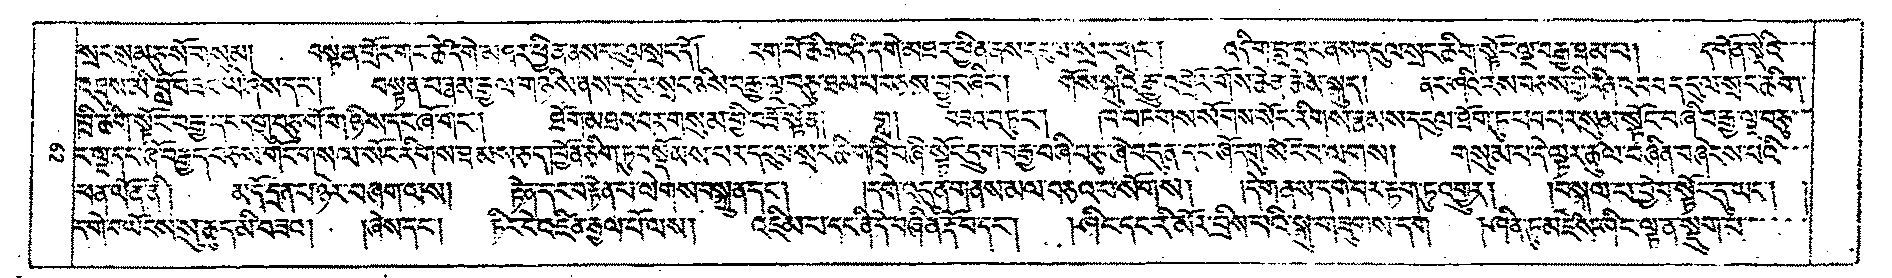སྲང་སུམ་ཅུ་སོ་གསུམ། བསྟན་གྲོང་གང་ཚེ་དགེ་མཐར་ཕྱིན་ནས་དངུལ་སྲང་དོ། རག་པོ་ཆིན་འདི་དགེ་མཐར་ཕྱིན་ནས་དངུལ་སྲང་གང་། འདི་ག་བླ་བྲང་ནས་དངུལ་སྲང་ཆིག་སྟོང་ལྔ་བརྒྱ་ཐམ་པ། དགོན་སྡེའི་
འཐུས་མི་བློ་བཟང་ཡེ་ཤེས་དང་། བསྟན་པ་རྣམ་རྒྱལ་གཉིས་ནས་དངུལ་སྲང་ཉིས་བརྒྱ་ལྔ་བཅུ་ཐམ་པ་བཅས་བྱུང་ཞིང་། གོས་སྐུའི་རྒྱུ་འགྲོར་གོས་ཆེན་ཚེམ་སྐུད། ནང་ཤའི་རས་བཅས་ཀྱི་རིན་འབབ་དངུལ་སྲང་ཆིག་
ཁྲི་ཆིག་སྟོང་བརྒྱ་དང་དགུ་བཅུ་གོ་གཉིས་དང་ཞོ་གང་། ཐོག་མཐའ་བར་གསུམ་གྱི་བཟོ་སྟོན། གླ། བཟའ་བཏུང་། ཁ་བཏགས་སོགས་སོང་རིགས་རྣམས་དངུལ་ཐོག་ཏུ་ཕབ་པར་སུམ་སྟོང་བཞི་བརྒྱ་ལྔ་བཅུ་
ང་ལྔ་དང་ཞོ་བརྒྱད་བཅས་གོང་གསལ་སོང་རིགས་ཐམས་ཅད་ཁྱོན་ཅིག་ཏུ་བསྡོམས་པར་དངུལ་སྲང་ཆིག་ཁྲི་བཞི་སྟོང་དྲུག་བརྒྱ་བཞི་བཅུ་ཞེ་བདུན་དང་ཞོ་དགུ་སོང་བ་ལགས། གསུམ་པ་དེ་ལྟར་ཚུལ་བཞིན་བཞེངས་པའི་
ཕན་ཡོན་ནི། མདོ་དྲན་པ་ཉེར་བཞག་ལས། རྟེན་དང་བརྟེན་པ་ལེགས་བསྐྲུན་དང་། །དགེ་འདུན་གནས་མལ་བཅའ་བ་སོགས། །དེ་གནས་དགེ་བར་རྟག་ཏུ་འགྱུར། །བསྐལ་པ་བྱེ་བ་སྟོང་དུ་ཡང་། །
དགེ་བ་ཡོངས་སུ་ཆུད་མི་བཟའ། །ཞེས་དང་། ཏིང་ངེ་འཛིན་རྒྱལ་པོ་ལས། འཇིམ་པ་དང་ནི་དེ་བཞིན་རྡོ་བ་དང་། །ཤིང་དང་རི་མོར་བྲིས་པའི་སྐུ་གཟུགས་དག །ཤིན་ཏུ་མཛེས་ཤིང་ལྟ་ན་སྡུག་པ་